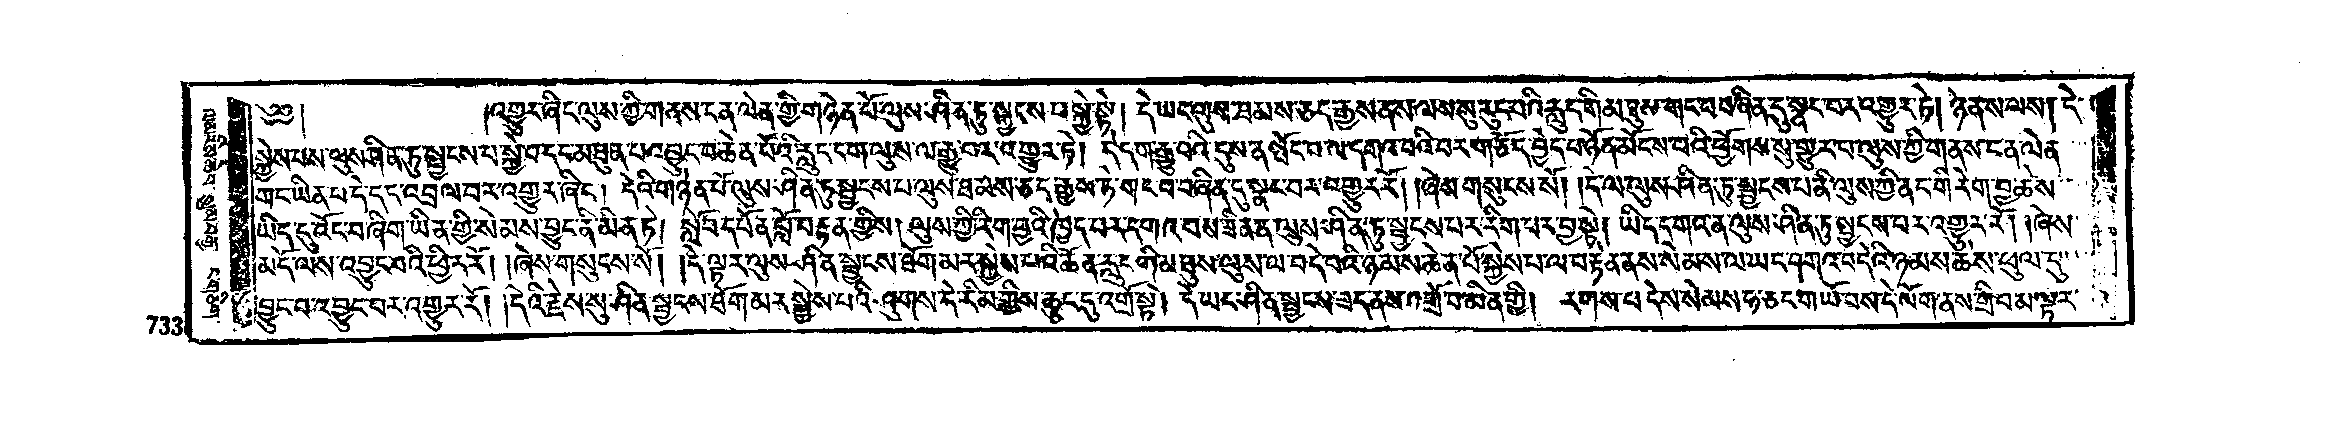༄༅། །འགྱུར་ཞིང་ལུས་ཀྱི་གནས་ངན་ལེན་གྱི་གཉེན་པོ་ལུས་ཤིན་ཏུ་སྦྱངས་པ་སྐྱེ་སྟེ། དེ་ཡང་ལུས་ཐམས་ཅད་རྒྱས་ནས་ལས་སུ་རུང་བའི་རླུང་གི་མཐུས་གང་བ་བཞིན་དུ་སྣང་བར་འགྱུར་ཏེ། ཉན་ས་ལས། དེ་
སྐྱེས་པས་ལུས་ཤིན་ཏུ་སྦྱངས་པ་སྐྱེ་བ་དང་མཐུན་པ་འབྱུང་བ་ཆེན་པོའི་རླུང་དག་ལུས་ལ་རྒྱུ་བར་འགྱུར་ཏེ། དེ་དག་རྒྱུ་བའི་དུས་ན་སྤོང་བ་ལ་དགའ་བའི་བར་གཅོད་བྱེད་པ་ཉོན་མོངས་པའི་ཕྱོགས་སུ་གྱུར་པ་ལུས་ཀྱི་གནས་ངན་ལེན་
གང་ཡིན་པ་དེ་དང་འབྲལ་བར་འགྱུར་ཞིང་། དེའི་གཉེན་པོ་ལུས་ཤིན་ཏུ་སྦྱངས་པ་ལུས་ཐམས་ཅད་རྒྱས་ཏེ་གང་བ་བཞིན་དུ་སྣང་བར་འགྱུར་རོ། །ཞེས་གསུངས་སོ། །དེ་ལ་ལུས་ཤིན་ཏུ་སྦྱངས་པ་ནི་ལུས་ཀྱི་ནང་གི་རེག་བྱ་ཆེས་
ཡིད་དུ་འོང་བ་ཞིག་ཡིན་གྱི་སེམས་བྱུང་ནི་མིན་ཏེ། སློབ་དཔོན་བློ་བརྟན་གྱིས། ལུས་ཀྱི་རེག་བྱའི་ཁྱད་པར་དགའ་བས་ཟིན་ན་ལུས་ཤིན་ཏུ་སྦྱངས་པར་རིག་པར་བྱ་སྟེ། ཡིད་དགའ་ན་ལུས་ཤིན་ཏུ་སྦྱངས་པར་འགྱུར་རོ། །ཞེས་
མདོ་ལས་འབྱུང་བའི་ཕྱིར་རོ། །ཞེས་གསུངས་སོ། །དེ་ལྟར་ལུས་ཤིན་སྦྱངས་ཐོག་མར་སྐྱེས་པའི་ཚེ་ན་རླུང་གི་མཐུས་ལུས་ལ་བདེ་བའི་ཉམས་ཆེན་པོ་སྐྱེས་པ་ལ་བརྟེན་ནས་སེམས་ལ་ཡང་དགའ་བདེའི་ཉམས་ཆེས་ཕུལ་དུ་
བྱུང་བ་འབྱུང་བར་འགྱུར་རོ། །དེའི་རྗེས་སུ་ཤིན་སྦྱངས་ཐོག་མར་སྐྱེས་པའི་ཤུགས་དེ་རིམ་གྱིས་ཆུང་དུ་འགྲོ་སྟེ། དེ་ཡང་ཤིན་སྦྱངས་ཟད་ནས་འགྲོ་བ་མིན་གྱི། རགས་པ་དེས་སེམས་ཧ་ཅང་གཡོ་བས་དེ་ལོག་ནས་གྲིབ་མ་ལྟར་